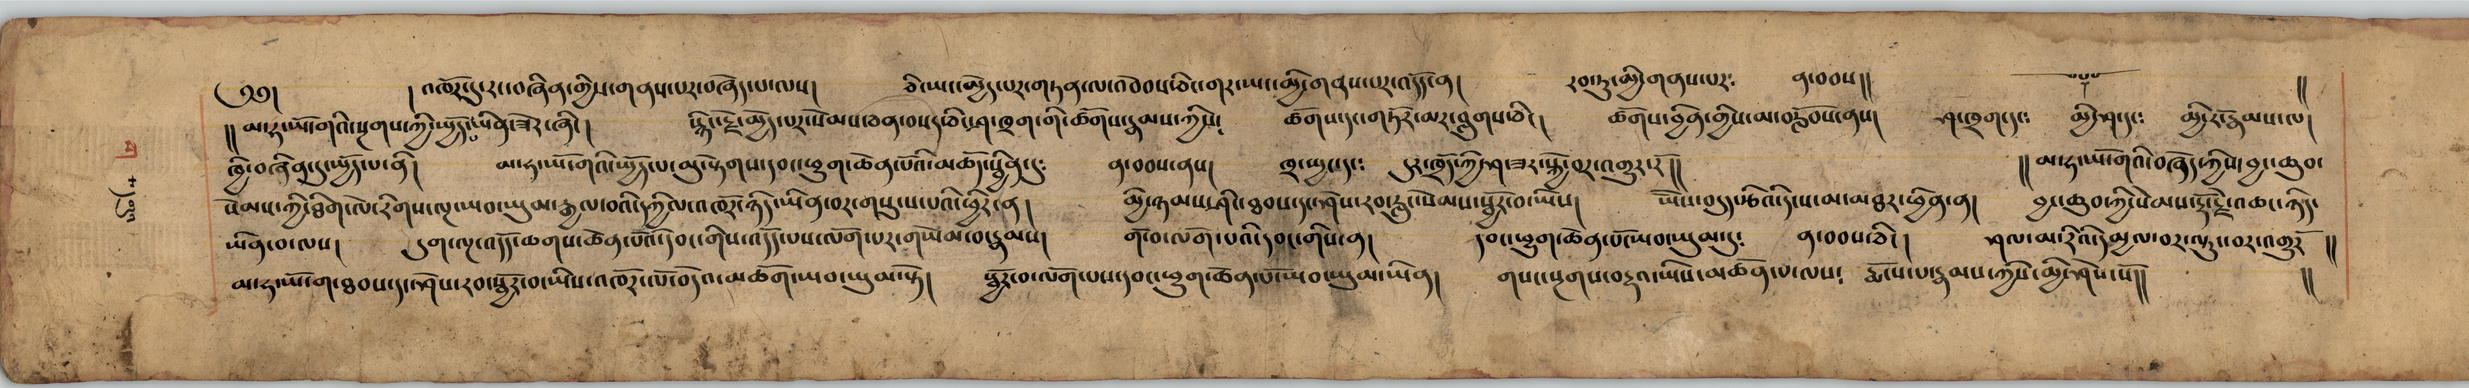༄༅། །འཁོར་དུ་རང་བཞིན་གྱིས་གནས་པར་བཞེད་པ་ལས། ཅི་ཡང་མྱེད་པར་གཏན་ལ་འབེབས་ཅིང་གར་ཡང་མྱི་གནས་པར་འདོད་ན། རབ་ཏུ་མྱི་གནས་པར༴ ན་བབས།།
།།མ་ཧ་ཡོ་གའི་སྔགས་ཀྱི་སྤྱོད་ཡིན་ཟེར་ཞིང། སྙིང་རྗེ་མྱེད་པར་སེམས་ཅན་བསད་ཅིང་ཤ་ཁྲག་གི་ཚོགས་རྣམས་ཀྱིས། ཚོགས་དང་གཏོར་མར་བླུགས་ཅིང། ཚོགས་བྱིན་གྱིས་མ་བརློབས་ནས། ཤ་ཁྲག་དང༴ མྱི་ཤ་དང༴ མྱི་རོ་རྣམས་ལ།
ཁྱི་བཞིན་དུ་སྤྱོད་པ་ནི། མ་ཧ་ཡོ་གའི་སྤྱོད་པ་མུ་སྟེགས་དབང་ཕྱུག་ཆེན་པོའི་མཆོད་སྦྱིན་དུ༴ ན་བབས་ནས། ཁྲ་སྤྱང་དང༴ དུར་ཁྲོད་ཀྱི་ཤ་ཟར་སྐྱེ་བར་འགྱུར་རོ།། །།མ་ཧ་ཡོ་གའི་བཞེད་ཀྱིས་བྱང་ཆུབ་
སེམས་ཀྱི་ཐིག་ལེ་རིགས་ལྔ་ཡབ་ཡུམ་རྒྱལ་བའི་དཀྱིལ་འཁོར་ཉིད་ཡིན་བར་གསུངས་པའི་ཕྱིར་ན། མྱི་ཉམས་ཤིང་ཐབས་དང་ཤེས་རབ་རླུང་སེམས་སྦྱོར་བ་ཡིས། ཡཻས་བདུད་རྩིའ་དེ་ས་མ་མཐར་ཕྱིན་ན། བྱང་ཆུབ་ཀྱི་སེམས་རྡོ་རྗེ་འཆང་ཉིད་
ཡིན་བ་ལས། དུག་ལྔ་འདོད་ཆགས་ཆེན་པོའ་དབང་གིས་འདོད་པས་ལོག་པར་གཡེམ་བ་རྣམས། གོ་བ་ལོག་པའི་དབང་གིས་ན། དབང་ཕྱུག་ཆེན་པོ་ཡབ་ཡུམ་དུ༴ ན་བབས་ཅིང། ཤལ་མ་རིའི་དམྱལ་བར་ལྟུང་བར་འགྱུར །
མ་ཧ་ཡོ་ག་ཐབས་དང་ཤེས་རབ་སྦྱོར་བ་ཡིས་འཁོར་ལོ་བདེའ་མཆོག་ཡབ་ཡུམ་སྟེ། སྦྱོར་བ་ལོག་པས་དབང་ཕྱུག་ཆེན་པོ་ཡབ་ཡུམ་ཡིན། གསང་སྔགས་བརྡའ་ཡིས་མཚོན་པ་ལས༴ རྨོངས་པ་རྣམས་ཀྱིས་མྱི་ཤེས་སོ།།